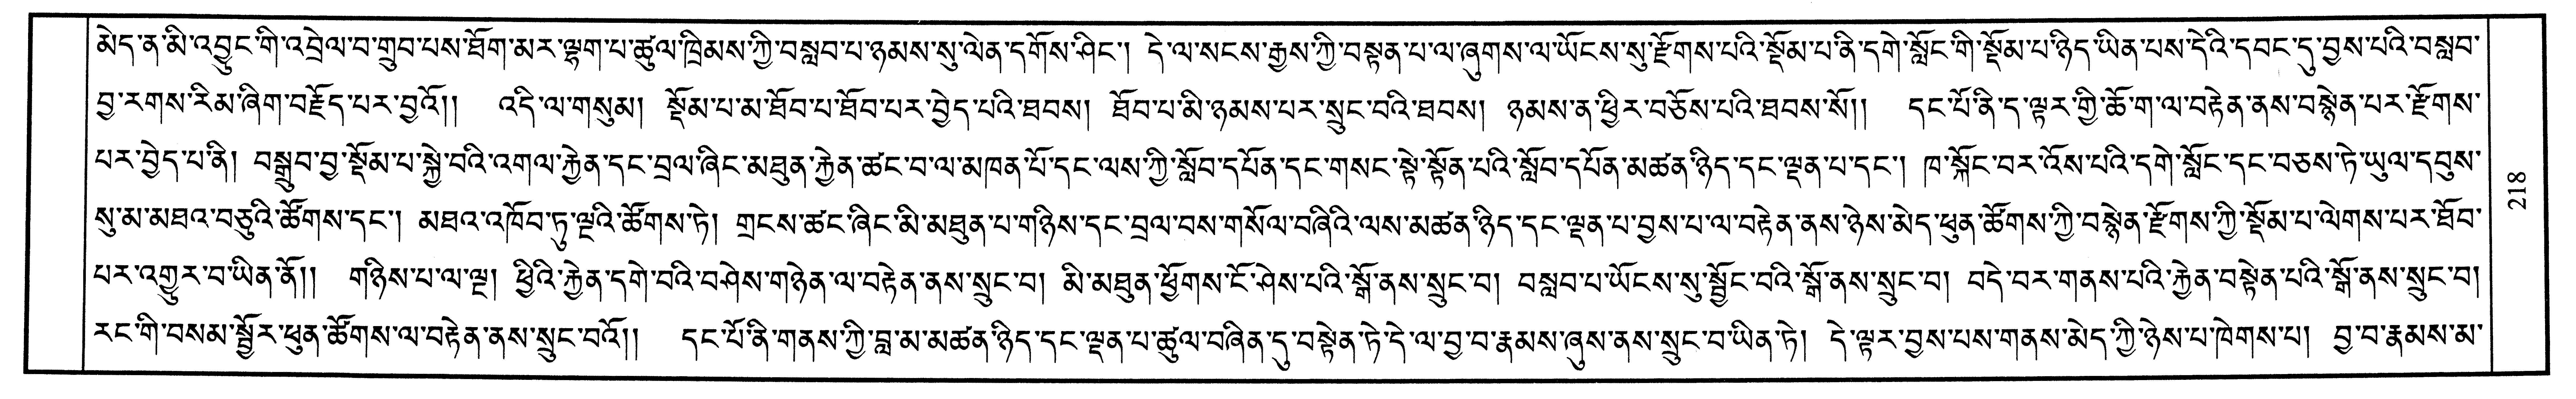མེད་ན་མི་འབྱུང་གི་འབྲེལ་བ་གྲུབ་པས་ཐོག་མར་ལྷག་པ་ཚུལ་ཁྲིམས་ཀྱི་བསླབ་པ་ཉམས་སུ་ལེན་དགོས་ཤིང་། དེ་ལ་སངས་རྒྱས་ཀྱི་བསྟན་པ་ལ་ཞུགས་ལ་ཡོངས་སུ་རྫོགས་པའི་སྡོམ་པ་ནི་དགེ་སློང་གི་སྡོམ་པ་ཉིད་ཡིན་པས་དེའི་དབང་དུ་བྱས་པའི་བསླབ་
བྱ་རགས་རིམ་ཞིག་བརྗོད་པར་བྱའོ།། འདི་ལ་གསུམ། སྡོམ་པ་མ་ཐོབ་པ་ཐོབ་པར་བྱེད་པའི་ཐབས། ཐོབ་པ་མི་ཉམས་པར་སྲུང་བའི་ཐབས། ཉམས་ན་ཕྱིར་བཅོས་པའི་ཐབས་སོ།། དང་པོ་ནི་ད་ལྟར་གྱི་ཆོ་ག་ལ་བརྟེན་ནས་བསྙེན་པར་རྫོགས་
པར་བྱེད་པ་ནི། བསྒྲུབ་བྱ་སྡོམ་པ་སྐྱེ་བའི་འགལ་རྐྱེན་དང་བྲལ་ཞིང་མཐུན་རྐྱེན་ཚང་བ་ལ་མཁན་པོ་དང་ལས་ཀྱི་སློབ་དཔོན་དང་གསང་སྟེ་སྟོན་པའི་སློབ་དཔོན་མཚན་ཉིད་དང་ལྡན་པ་དང་། ཁ་སྐོང་བར་འོས་པའི་དགེ་སློང་དང་བཅས་ཏེ་ཡུལ་དབུས་
སུ་མ་མཐའ་བཅུའི་ཚོགས་དང་། མཐའ་འཁོབ་ཏུ་ལྔའི་ཚོགས་ཏེ། གྲངས་ཚང་ཞིང་མི་མཐུན་པ་གཉིས་དང་བྲལ་བས་གསོལ་བཞིའི་ལས་མཚན་ཉིད་དང་ལྡན་པ་བྱས་པ་ལ་བརྟེན་ནས་ཉེས་མེད་ཕུན་ཚོགས་ཀྱི་བསྙེན་རྫོགས་ཀྱི་སྡོམ་པ་ལེགས་པར་ཐོབ་
པར་འགྱུར་བ་ཡིན་ནོ།། གཉིས་པ་ལ་ལྔ། ཕྱིའི་རྐྱེན་དགེ་བའི་བཤེས་གཉེན་ལ་བརྟེན་ནས་སྲུང་བ། མི་མཐུན་ཕྱོགས་ངོ་ཤེས་པའི་སྒོ་ནས་སྲུང་བ། བསླབ་པ་ཡོངས་སུ་སྦྱོང་བའི་སྒོ་ནས་སྲུང་བ། བདེ་བར་གནས་པའི་རྐྱེན་བསྟེན་པའི་སྒོ་ནས་སྲུང་བ།
རང་གི་བསམ་སྦྱོར་ཕུན་ཚོགས་ལ་བརྟེན་ནས་སྲུང་བའོ།། དང་པོ་ནི་གནས་ཀྱི་བླ་མ་མཚན་ཉིད་དང་ལྡན་པ་ཚུལ་བཞིན་དུ་བསྟེན་ཏེ་དེ་ལ་བྱ་བ་རྣམས་ཞུས་ནས་སྲུང་བ་ཡིན་ཏེ། དེ་ལྟར་བྱས་པས་གནས་མེད་ཀྱི་ཉེས་པ་ཁེགས་པ། བྱ་བ་རྣམས་མ་